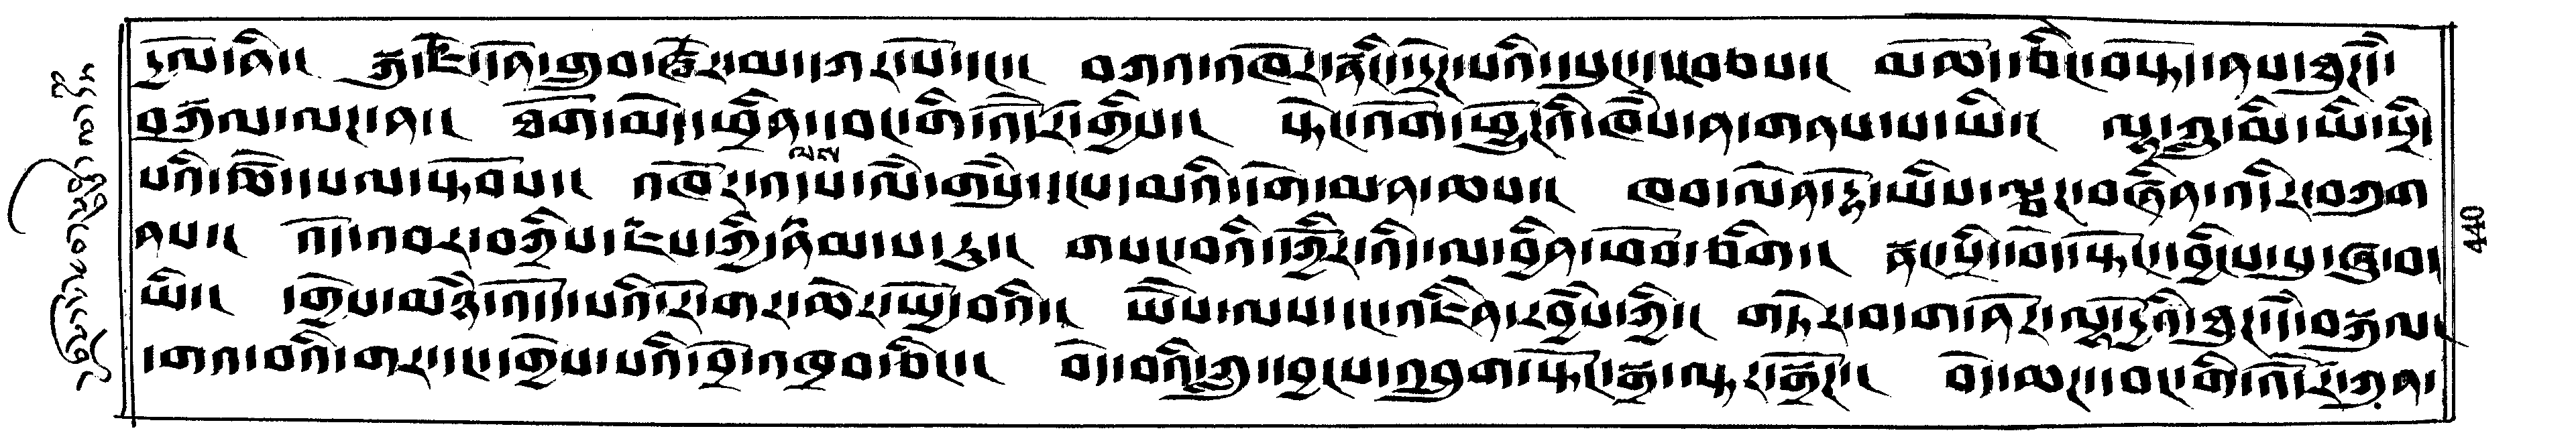རྒྱལ་པོ་ནི། །སྐུ་རྗེ་དོན་གྲུབ་ཝེར་མ་དཀར་པོ་དང་། །བཀའ་འཁོར་སྣང་སྲིད་དྲེགས་པའི་དཔུང་དང་བཅས། །མཆོད་ཅིང་བསྟོད་ནས་ཐུགས་དམ་
བསྐུལ་ལགས་ན། །ཐོགས་མེད་ཕྲིན་ལས་དབང་གི་འོད་ཟེར་གྱིས། །སྟེང་འོག་ཕྱིགས་བཅུའི་ཁམས་ན་གནས་པ་ཡི། །ལྷ་ཀླུ་མི་ཡི་སྲིད་
པའྀ་ཚེ་དཔལ་སྟོབས། །འཁོར་འདས་ལམ་གསུམ་དྭངས་མའི་དགེ་མཚན་ཆ། །ཁབ་ལེན་རྡོ་ཡིས་ལྕགས་བཞིན་འདིར་བཀུག་
ནས། །འོད་འབར་བཀྲ་ཤིས་རྫས་ཀྱི་རྣམ་པ་རུ། །གསང་བའི་དཀྱིལ་འཁོར་འདི་ལ་བྱིན་ཕོབ་ཅིག །སྣང་སྲིད་བདེ་སྟོང་དབྱིངས་སུ་ཞུ་བ་
ཡི། །དགྱེས་མཉམ་འདོད་པའི་རོལ་གར་ཆེར་གཡོ་བའི། །ཡེ་ཤེས་ལས་དང་འཇིག་རྟེན་རབ་འབྱམས་ཀྱི། །གཏེར་བདག་ནོར་ལྷ་རྒྱ་མཚོའི་ཐུགས་དམ་བསྐུལ། །
དགའ་བའི་གར་དང་དགྱེས་པའི་བྲོ་འཁྲབ་ཅིང་། །བདེ་བའི་གླུ་དབྱངས་འབྲུག་སྟོང་སྒྲ་ལྟར་སྒྲོག །བདེ་ཆགས་དབང་གི་འོད་ཟེར་ཀུན་